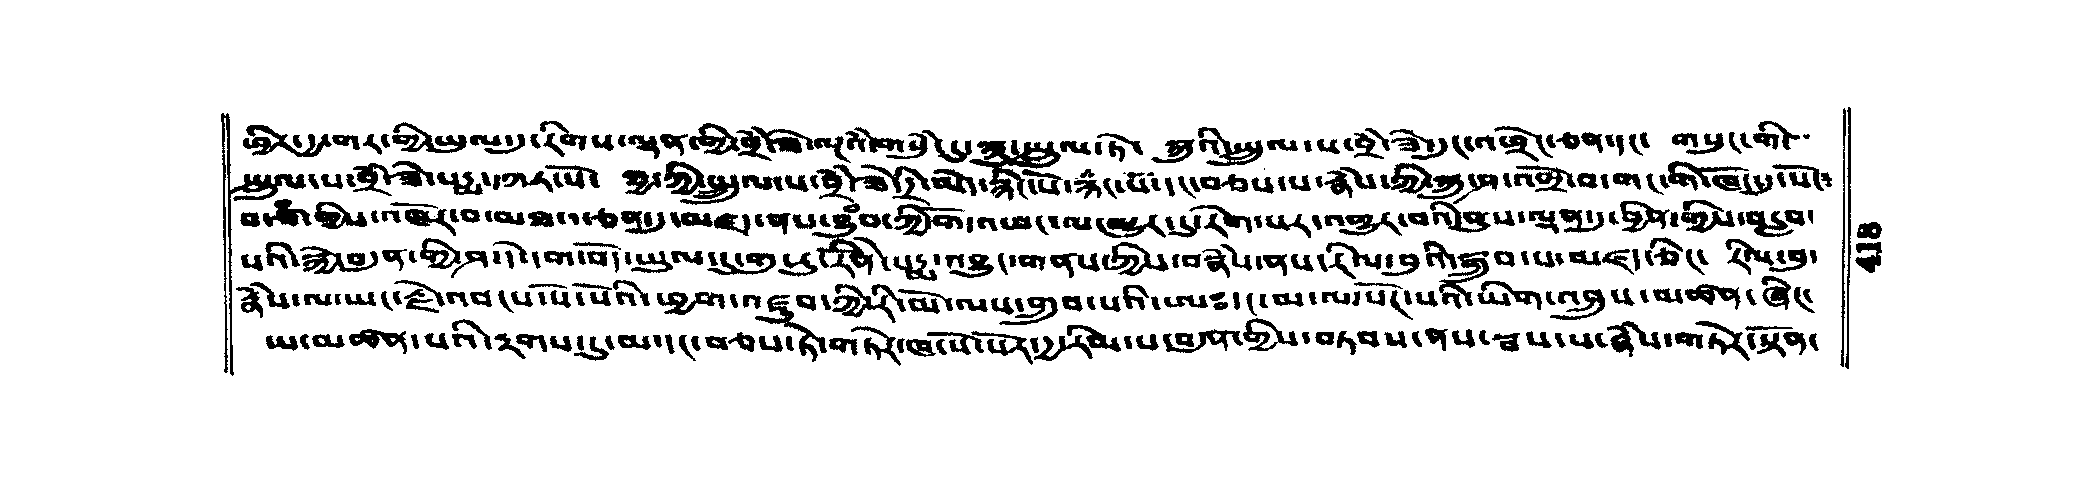ཕྱིར་རྒྱ་གར་གྱི་ཡུལ་དུ་རིགས་ལྡན་གྱི་བྲམ་ཟེ་ལྔ་འམ་གསུམ་དུ་སྐུ་སྤྲུལ་ཏེ། སྐུའི་སྤྲུལ་པ་བྲམ་ཟེ་དུང་འཕྲེང་ཅན་དང་། གསུང་གི་
སྤྲུལ་པ་བྲམ་ཟེ་པདྨ་དཀར་པོ། ཐུགས་ཀྱི་སྤྲུལ་པ་བྲམ་ཟེ་དྲི་མེད་སྙིང་པོ་རྐང་པ་དང་བཅས་པ་རྣམས་ཀྱི་སྐུ་ཤ་འགྲོ་བ་གང་གི་ཁོངས་སུ་སོང་
བ་ཙམ་གྱིས་འཁོར་བ་མཐའ་ཅན་དུ་མཛད་ནས་བྱང་ཆུབ་ཀྱི་གོ་འཕང་ལ་མྱུར་དུ་རེག་པར་འགྱུར་བའི་ནུས་ལྡན་དུ་བྱིན་གྱིས་བརླབས་
པའི་སྐྱེ་བདུན་གྱི་ཤ་དེ་དག་བོད་ཡུལ་དུ་གུ་རུ་རིན་པོ་པདྨ་འབྱུང་གནས་ཀྱིས་བསྣམས་ནས་རིལ་བུའི་སྒྲུབ་པ་མཛད་ཅིང་། རིལ་བུ་
རྣམས་ལ་ཡང་རྗེ་འབངས་སོ་སོའི་ཕྱག་འཛུབ་ཀྱི་རི་མོ་ལས་གྲུབ་པའི་ཨཱཿདང་མ་ལ་སོགས་པའི་ཡིག་འབྲུས་མཚན་ཞིང་
ཡ་མཚན་པའི་རྟགས་དུ་མ་དང་བཅས་ཏེ་གཏེར་ཁ་སོ་སོའི་རྒྱ་རིམ་པ་བདུན་གྱིས་བཏབ་ནས་སྦས་པ་རྣམས་གཏེར་སྟོན་